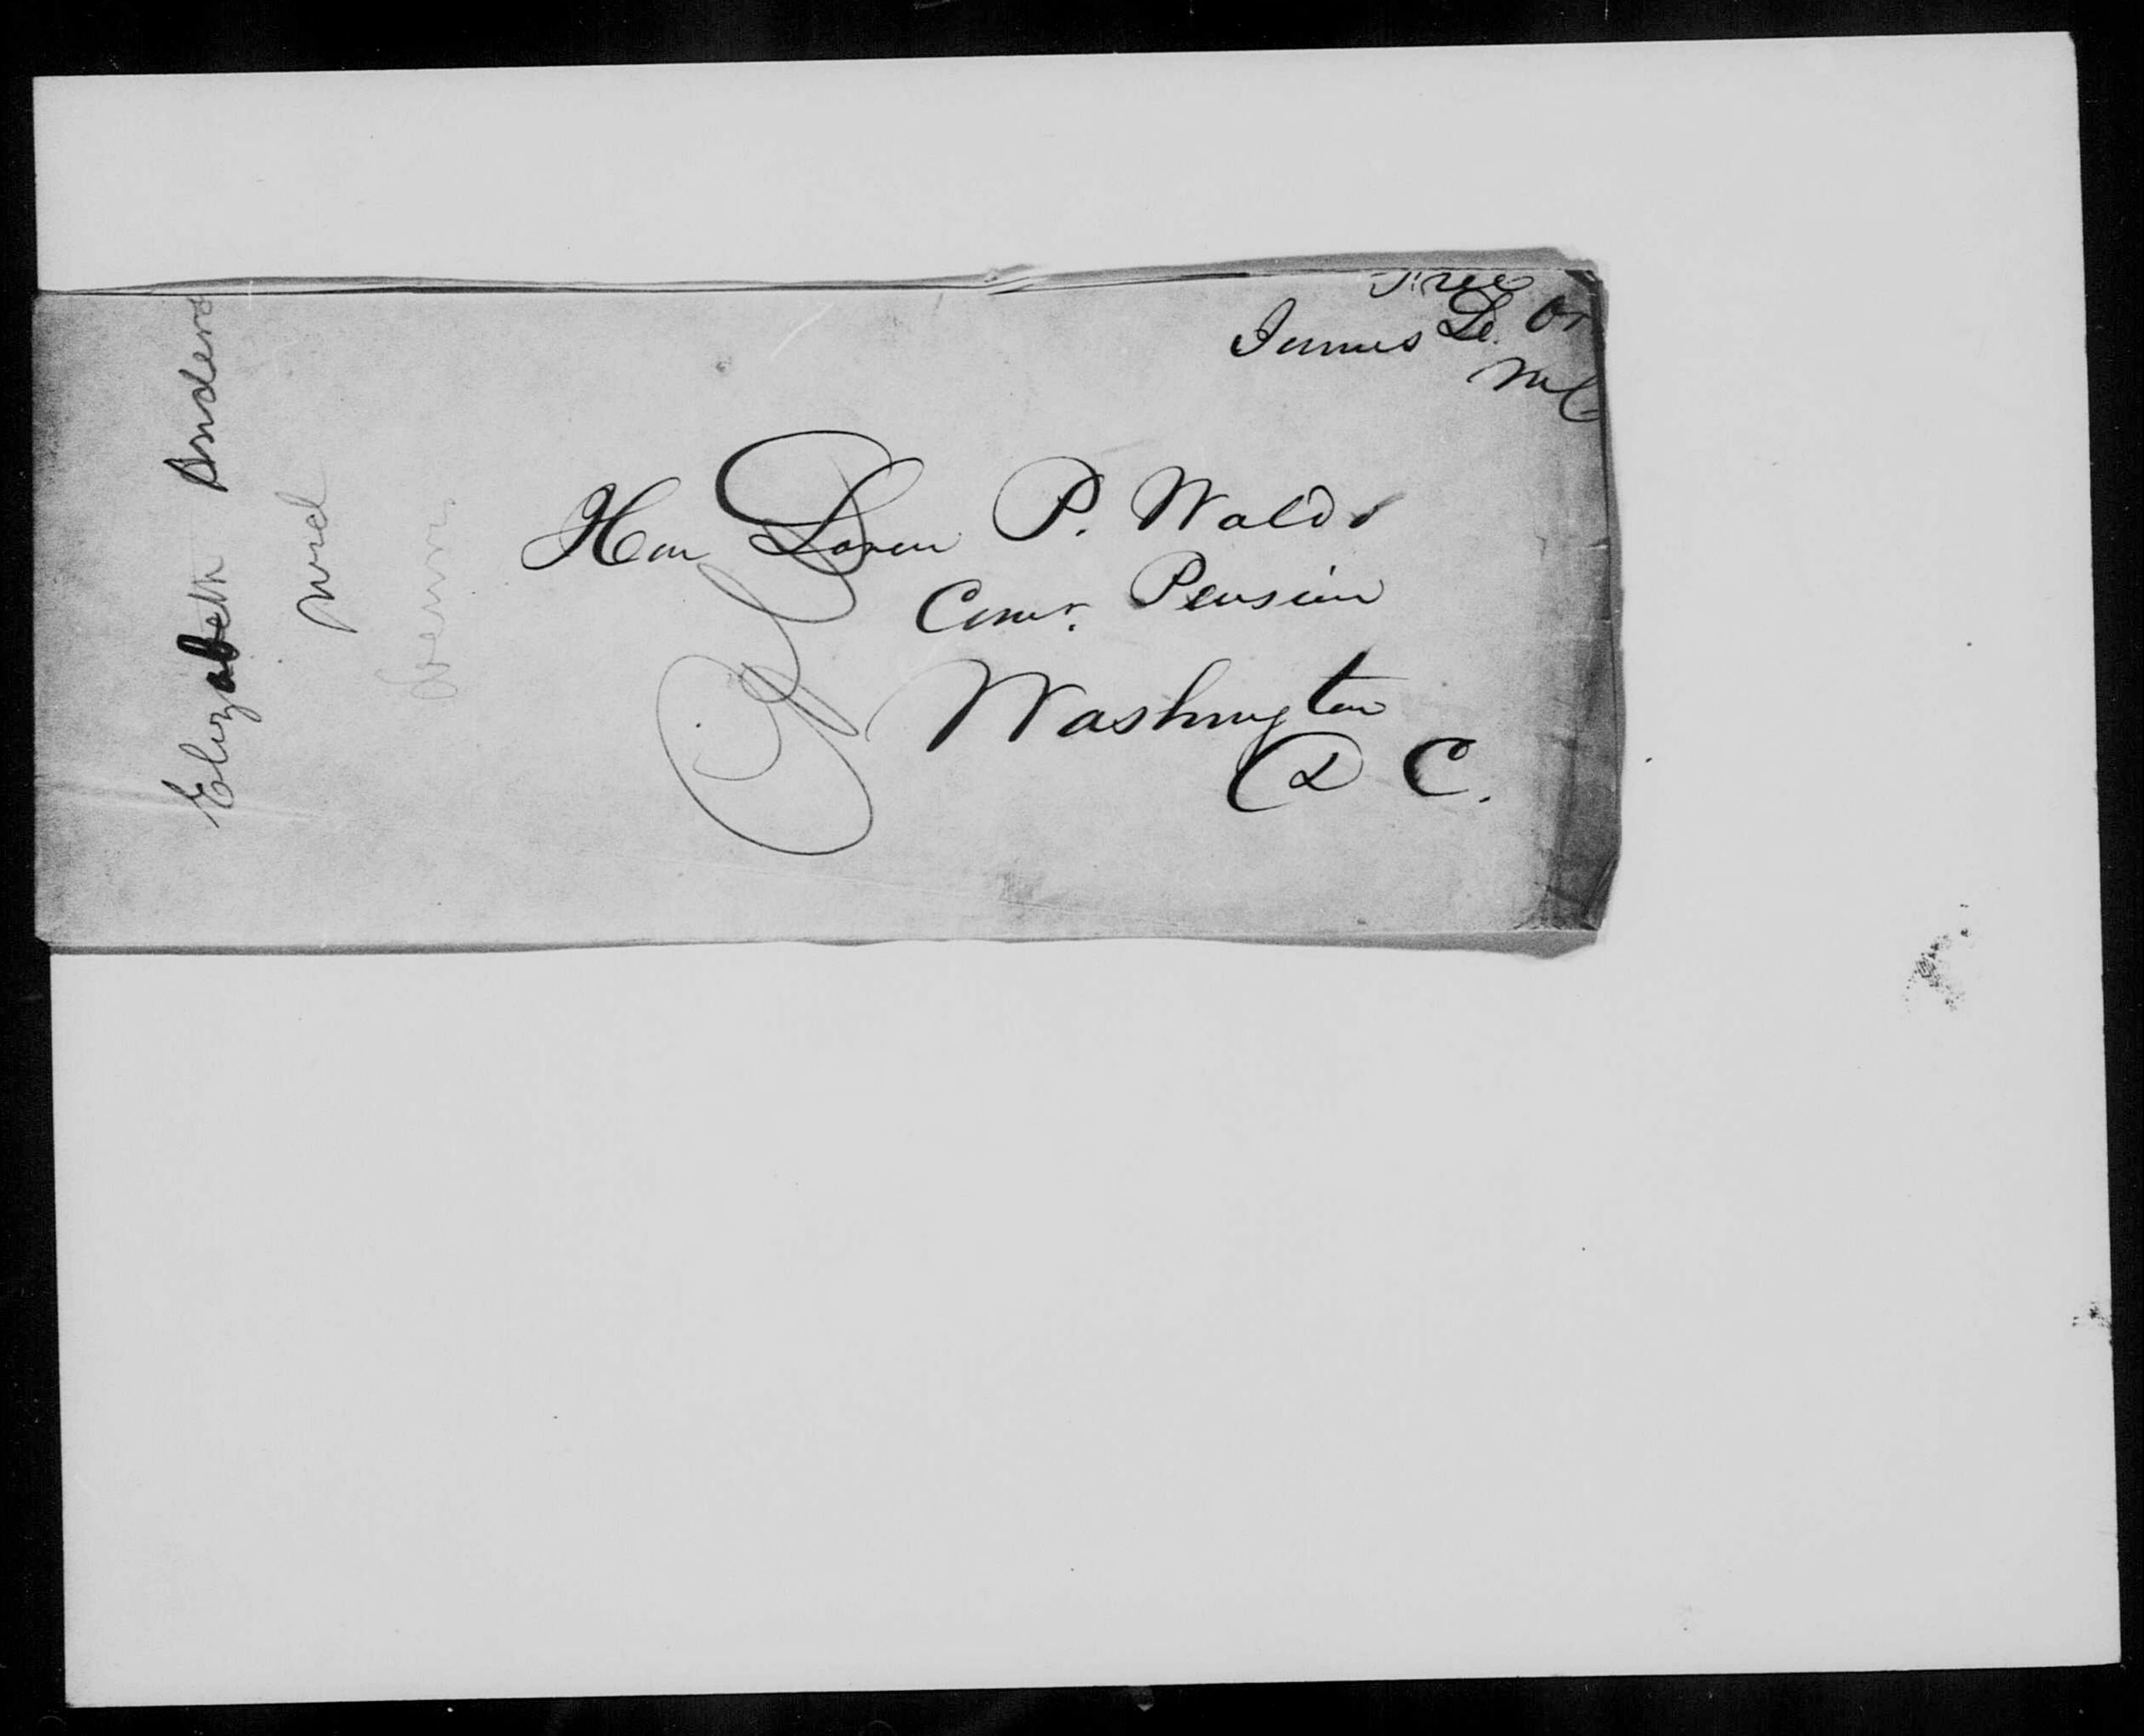[illegible right corner]

[Horizontal]
Hon Loren P Waldo
Com. Pensions
Washington 
D C.


[Vertical]
Elizabeth Anders(son)
wid
Denn


Cole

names: Loren P Waldo, Elizabeth Anders, James L Orr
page: 25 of 51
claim: widow's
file: W. 9700, Denney Anderson, S.C.